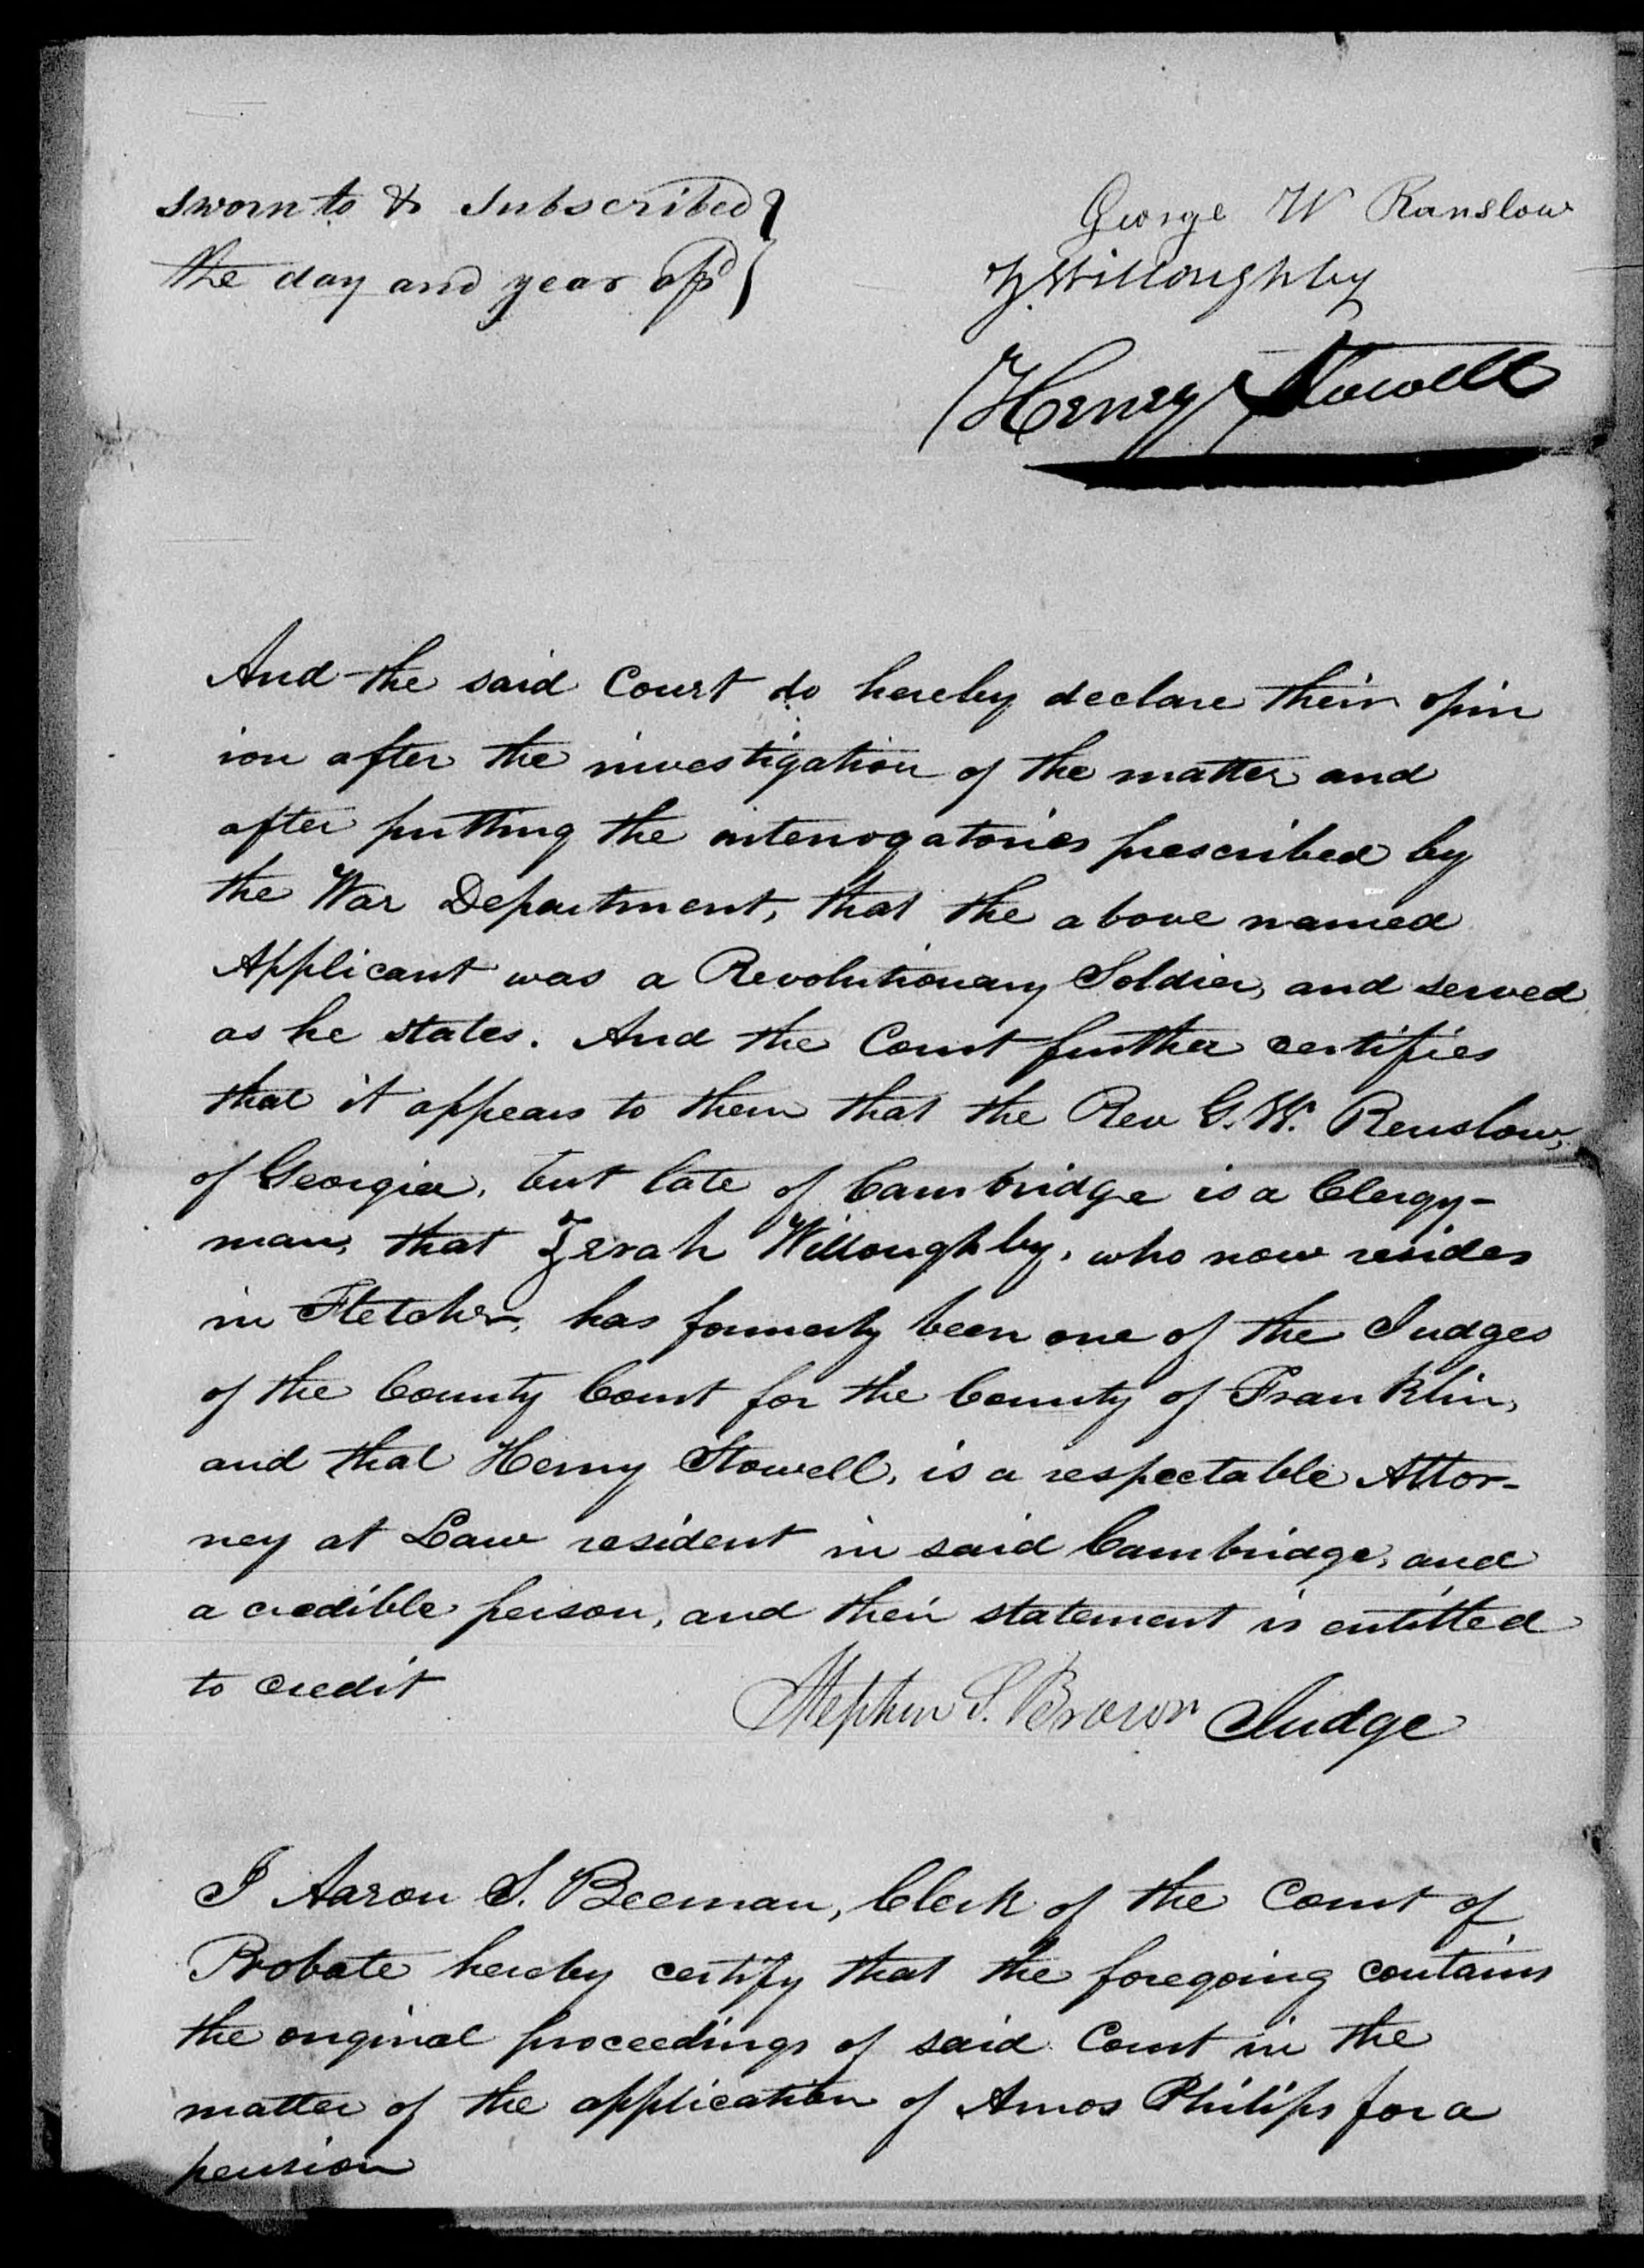Sworn to & Subscribed 
the day and year [illegible]
George W Ranslow
Z. Willoughby
Henry Stowell
And the said Court do hereby declare their opinion after the investigation of the matter and after putting the interrogatories prescribed by the War Department, that the above named Applicant was a Revolutionary Soldier, and served as he states. And the Court further certifies that it appears to them that the Rev G.W. Renslow [Ranslow] of Georgia, but late of Cambridge is a Clergyman that Zerah Willoughby, who now resides in Fletcher, has formerly been one of the Judges of the County Court for the County of Franklin, and that Henry Stowell, is a respectable Attorney at Law resident in said Cambridge, and a credible person, and their statement is entitled to credit Stephen S. Brown Judge  I Aaron S Beeman, Clerk of the Court of Probate hereby certify that the foregoing contains the original proceedings of said Court in the matter of the application of Amos Philips for a pension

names: George W Ranslow; Z Willoughby; Henry Stowell; Amos Philips; Aaron S Beeman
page: 14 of 26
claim: widow's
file: W. 26,886, for Amos Phillips, Massachusetts